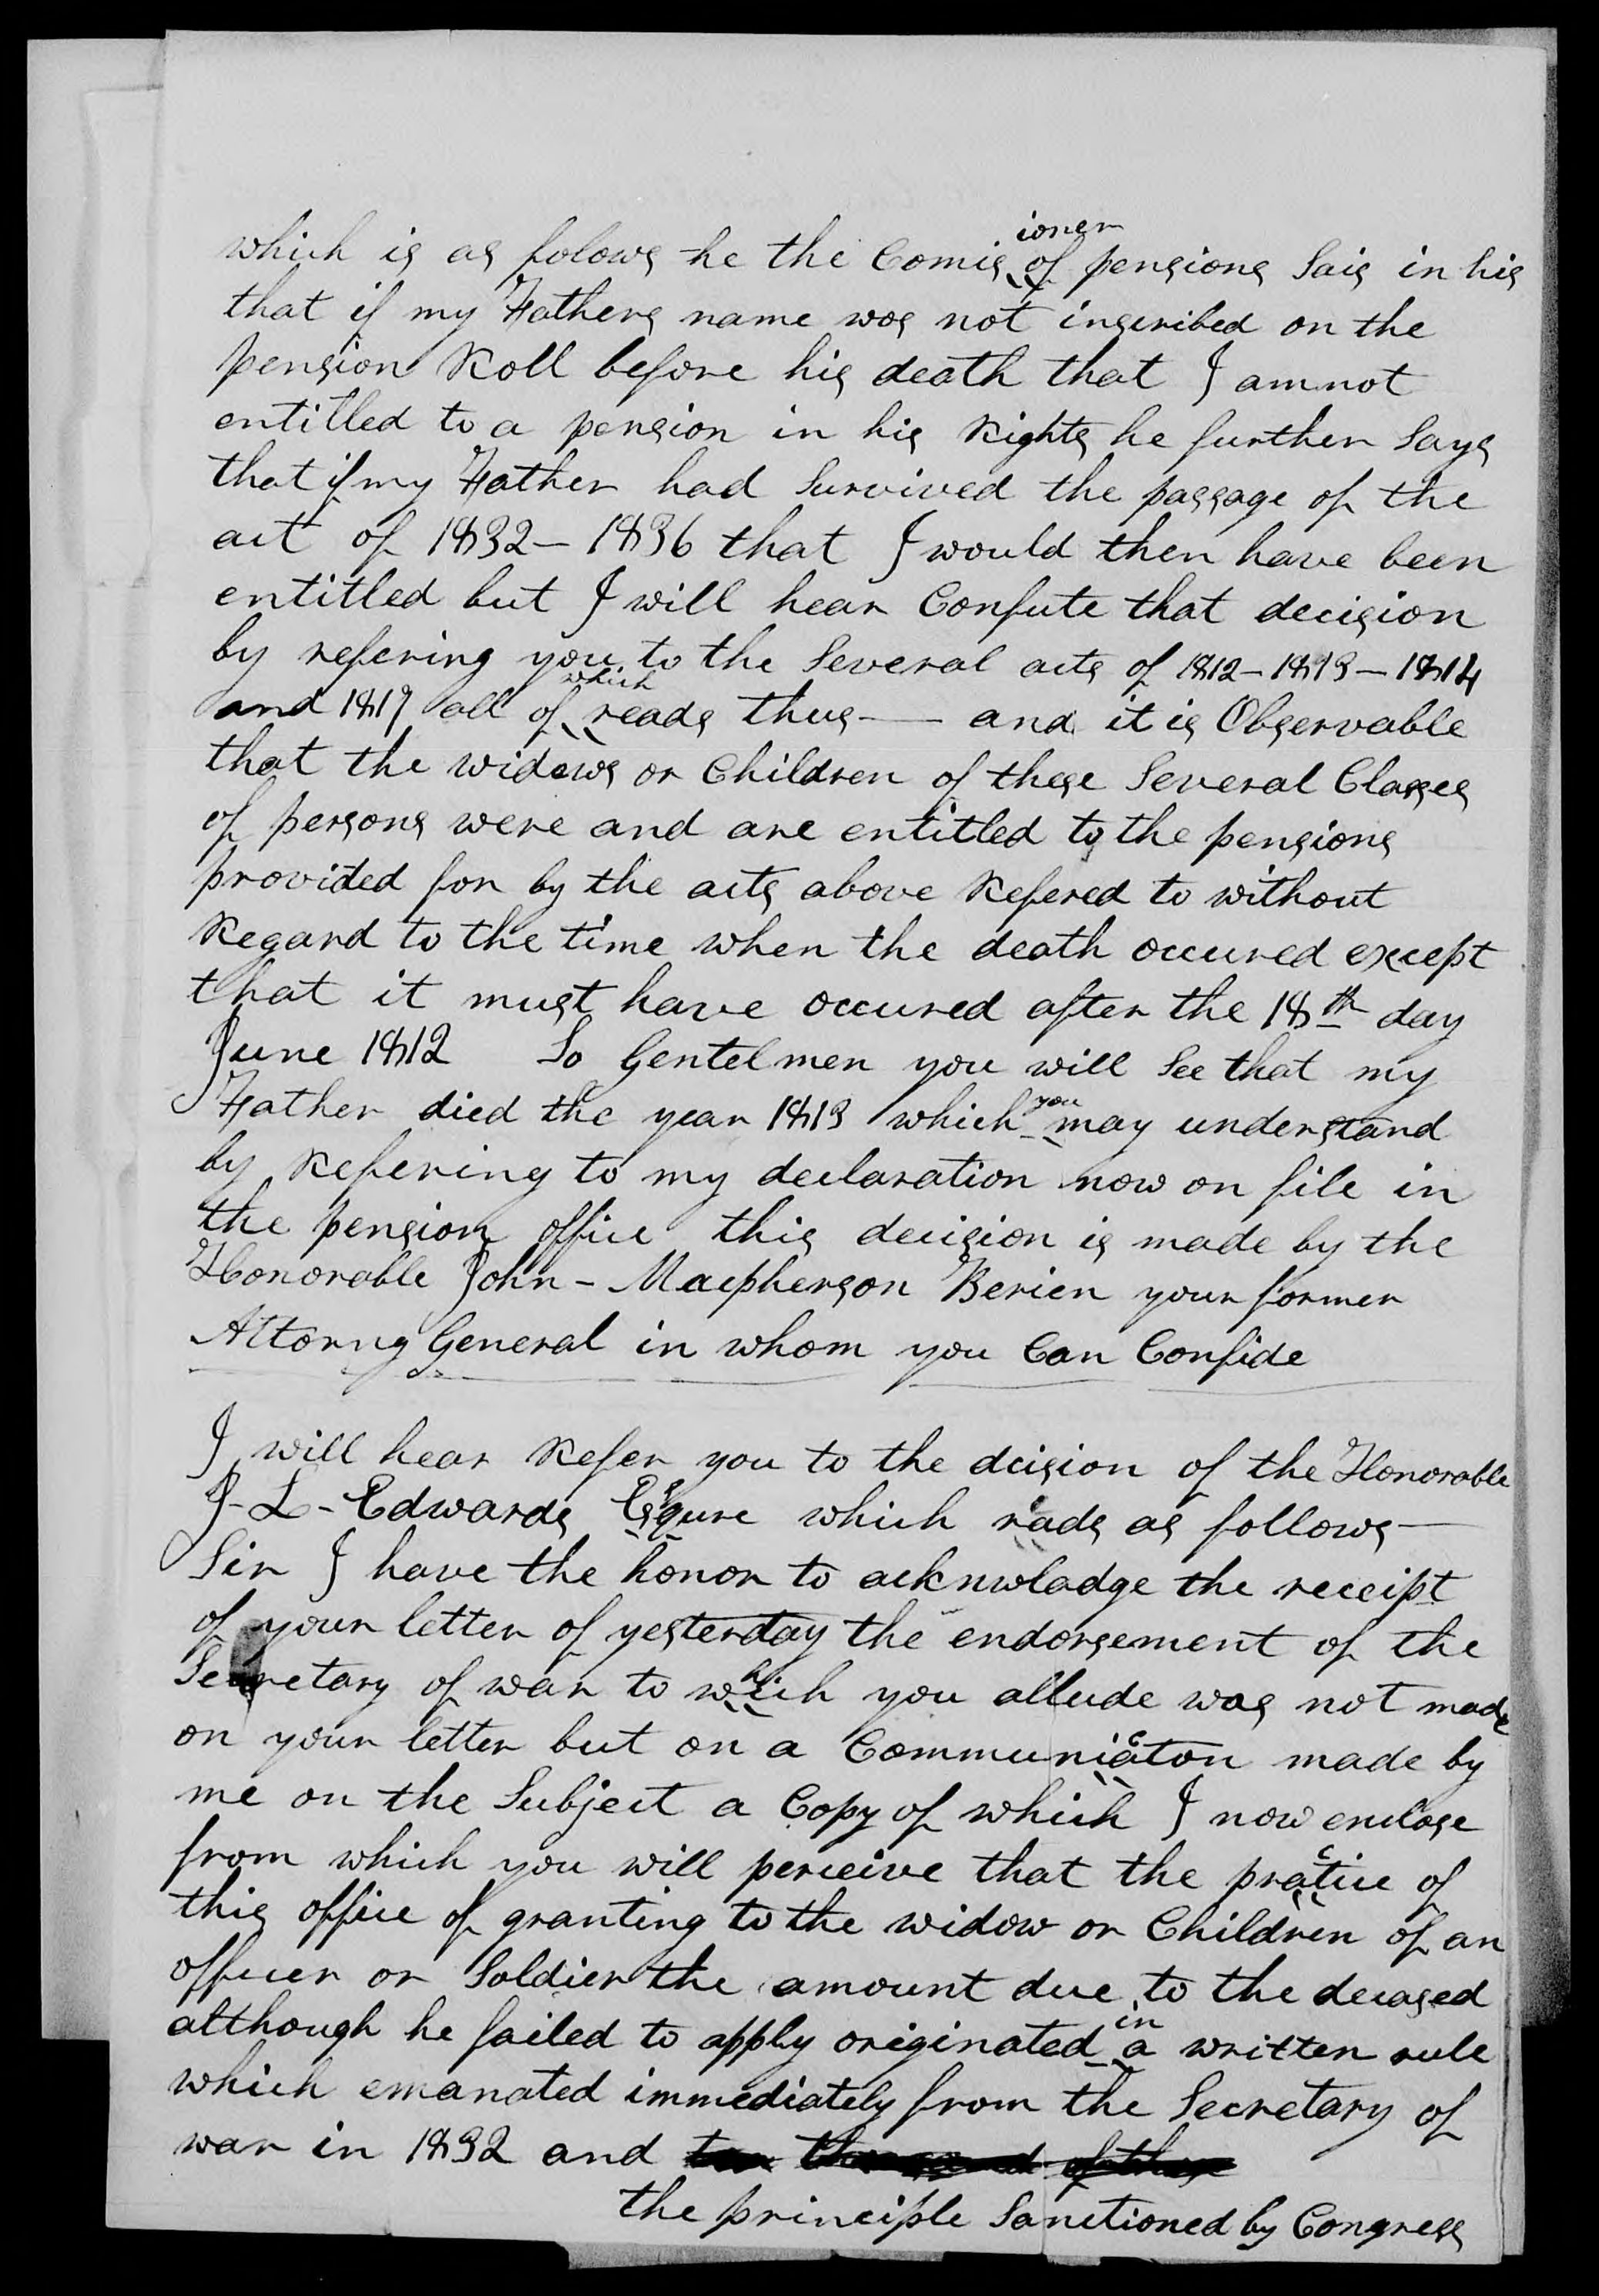which is as folows he the Comisioner of Pensions Sais in his that if my Fathers name was not inscribed on the pension Roll before his death that I am not entitled to a pension in his rights he further says that if my Father had survived the passage of the act of 1832 -1836 that I would then have been entitled but I will hear confute that decision by refering you to the several acts of 1812 -1813 - 1814 and 1817, all of which reads thus - and it is Observable that the widows or Children of these several classes of persons were and are entitled to the pensions provided for by the acts above refered to without regard to the time when the death occured except that it must have occured after the 18th day June 1812 So Gentelmen you will see that my Father died the year 1813 which you may understand by refering to my declaration now on file in the pension office this decision is made by the Honorable John Macpherson Berien your former Attorny General in whom you can confide 
I will hear refer you to the dcision of the Honorable J. L. Edwards Esquire which reads as follows Sir I have the honor to acknowledge the receipt of your letter of yesterday the endorsement of the Secretary of war to which you allude was not made on your letter but on a Communicaton made by me on the Subject a copy of which I now enclose from which you will perceive that the practice of this office of granting to the widow or Children of an officer or soldier the amount due to the deceased although he failed to apply originated in a written rule which emanated immediately from the Secretary of war in 1832 and the principle sanctioned by Congress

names: John Macpherson Berien; J L Edwards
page: 37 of 44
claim: rejected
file: R. 17,033, for Joseph Perkins, New York